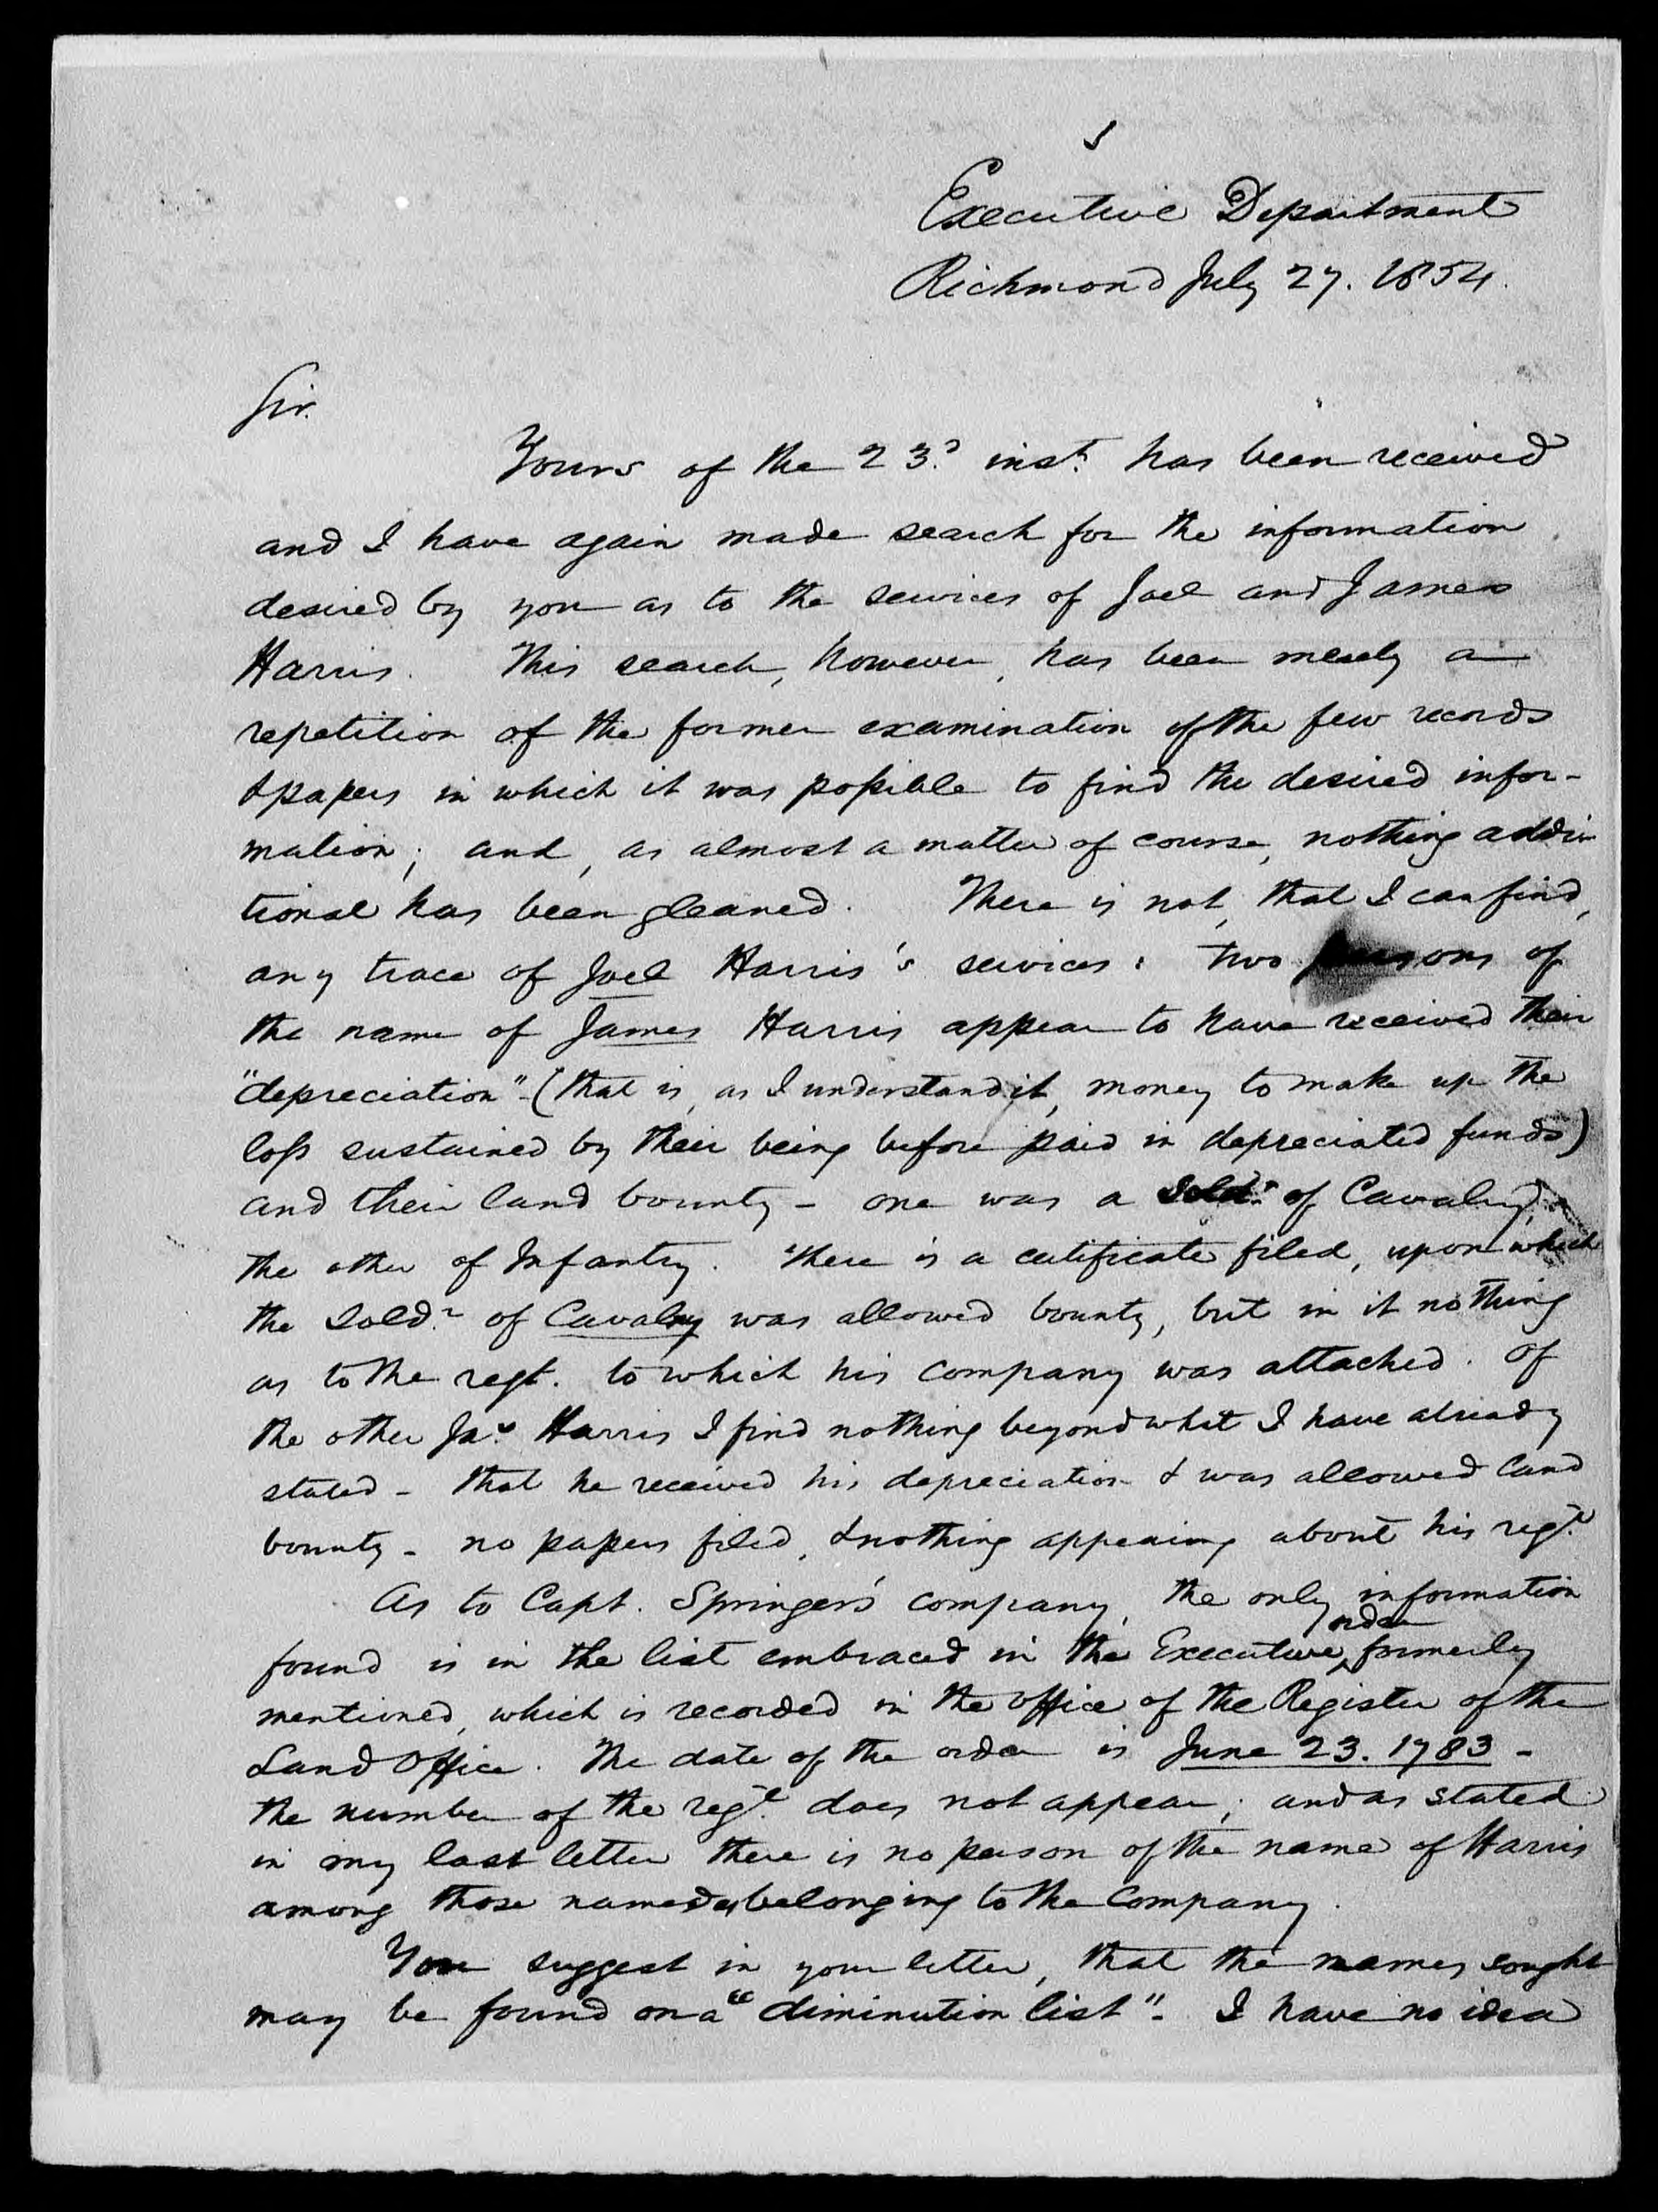Executive Department
Richmond July 27, 1854
Sir,
Yours of the 23rd inst. has been received and I have again made search for the information desired by you as to the services of Joel and James Harris.  This search, however, has been merely a repetition of the former examination of the few records & papers in which it was possible to find the desired information, and, as almost a matter of course, nothing additional has been gleaned.  There is not, that I can find, any trace of Joel Harris's service. Two persons of the name of James Harris appear to have received their "depreciation". (that is, as I understand it, money to make up the loss sustained by their being before paid in depreciated funds) and their land bounty--one was a soldier of Cavalry. The other of Infantry.  There is a certificate filed, upon which the Soldr of Cavalry was allowed bounty, but in it nothing as to the regt. to which his company was attached.  Of the other Jas Harris I find nothing beyond what I have already stated--that he received his depreciation & was allowed land bounty.  No papers filed & nothing appearing about his regt.
As to Capt Springer's company, the only information found is in the list embraced in the Executive order formerly mentioned, which is recorded in the office of the Register of the Land Office.  The date of the order is June 23, 1783.  The number of the regt does not appear, and as stated in my last letter, there is no person of the name of Harris among those named & belonging to the company.
You suggest in your letter, that the names sought may be found on a "diminution list."  I have no idea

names: Joel Harris, Harris, James Harris, Joel Harris, Jas Harris, James Harris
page: 144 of 160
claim: rejected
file: R. 4666, James Harris, Va.